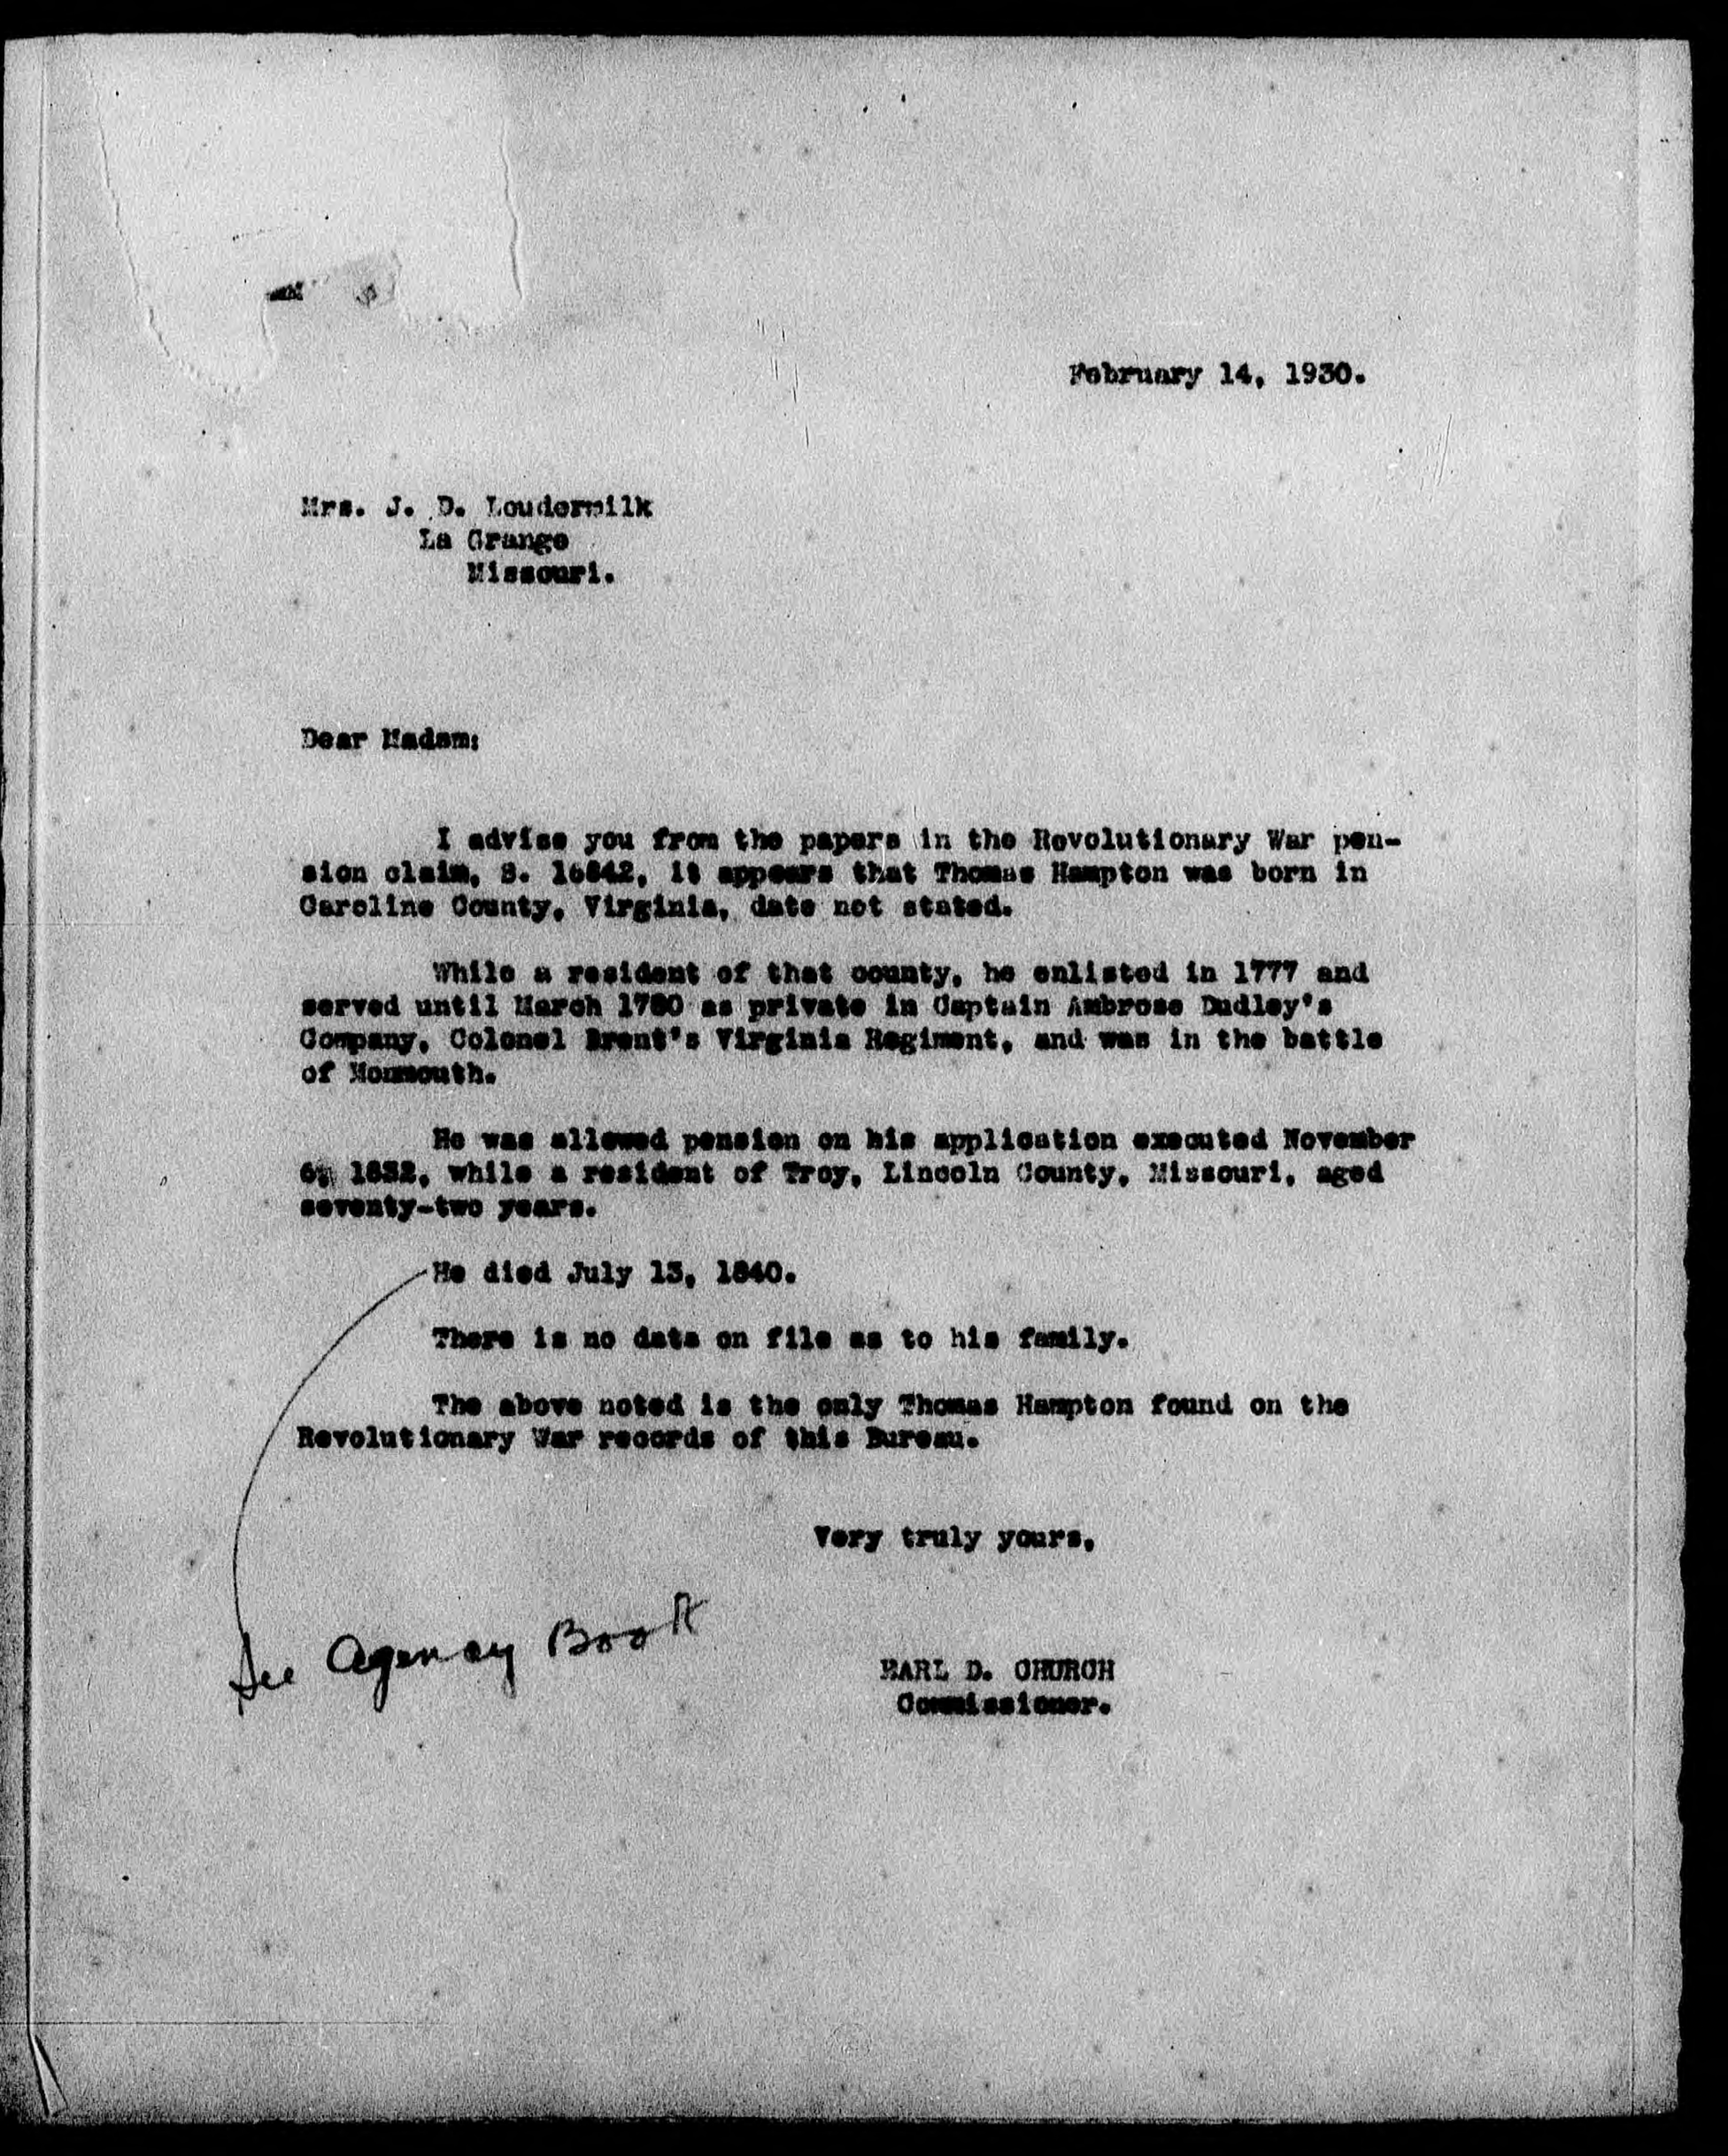[Illegible]
February 14, 1930.
Mrs. J. D. Loudermilk
La Grange
Missouri.
Dear Madam:
I advise you from the papers in the Revolutionary War pension claim, S. 16842, it appears that Thomas Hampton was born in Caroline County, Virginia, date not stated.
While a resident of that county, he enlisted in 1777 and served until March 1780 as private in Captain Ambrose Dudley's Company, Colonel Brent's Virginia Regiment, and was in the battle of Monmouth.
He was allowed pension on his application executed November 6, 1832, while a resident of Troy, Lincoln County, Missouri, aged seventy-two years.
He died July 13, 1840. [Note: See Agency Book]
There is no data on file as to his family.
The above noted is the only Thomas Hampton found on the Revolutionary War records of this Bureau.
Very truly yours,
EARL D. CHURCH
Commissioner.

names: J D Loudermilk, Earl D Church, Thomas Hampton, Thomas Hampton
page: 7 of 26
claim: survivor's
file: S. 16842, Thomas Hampton, Va.